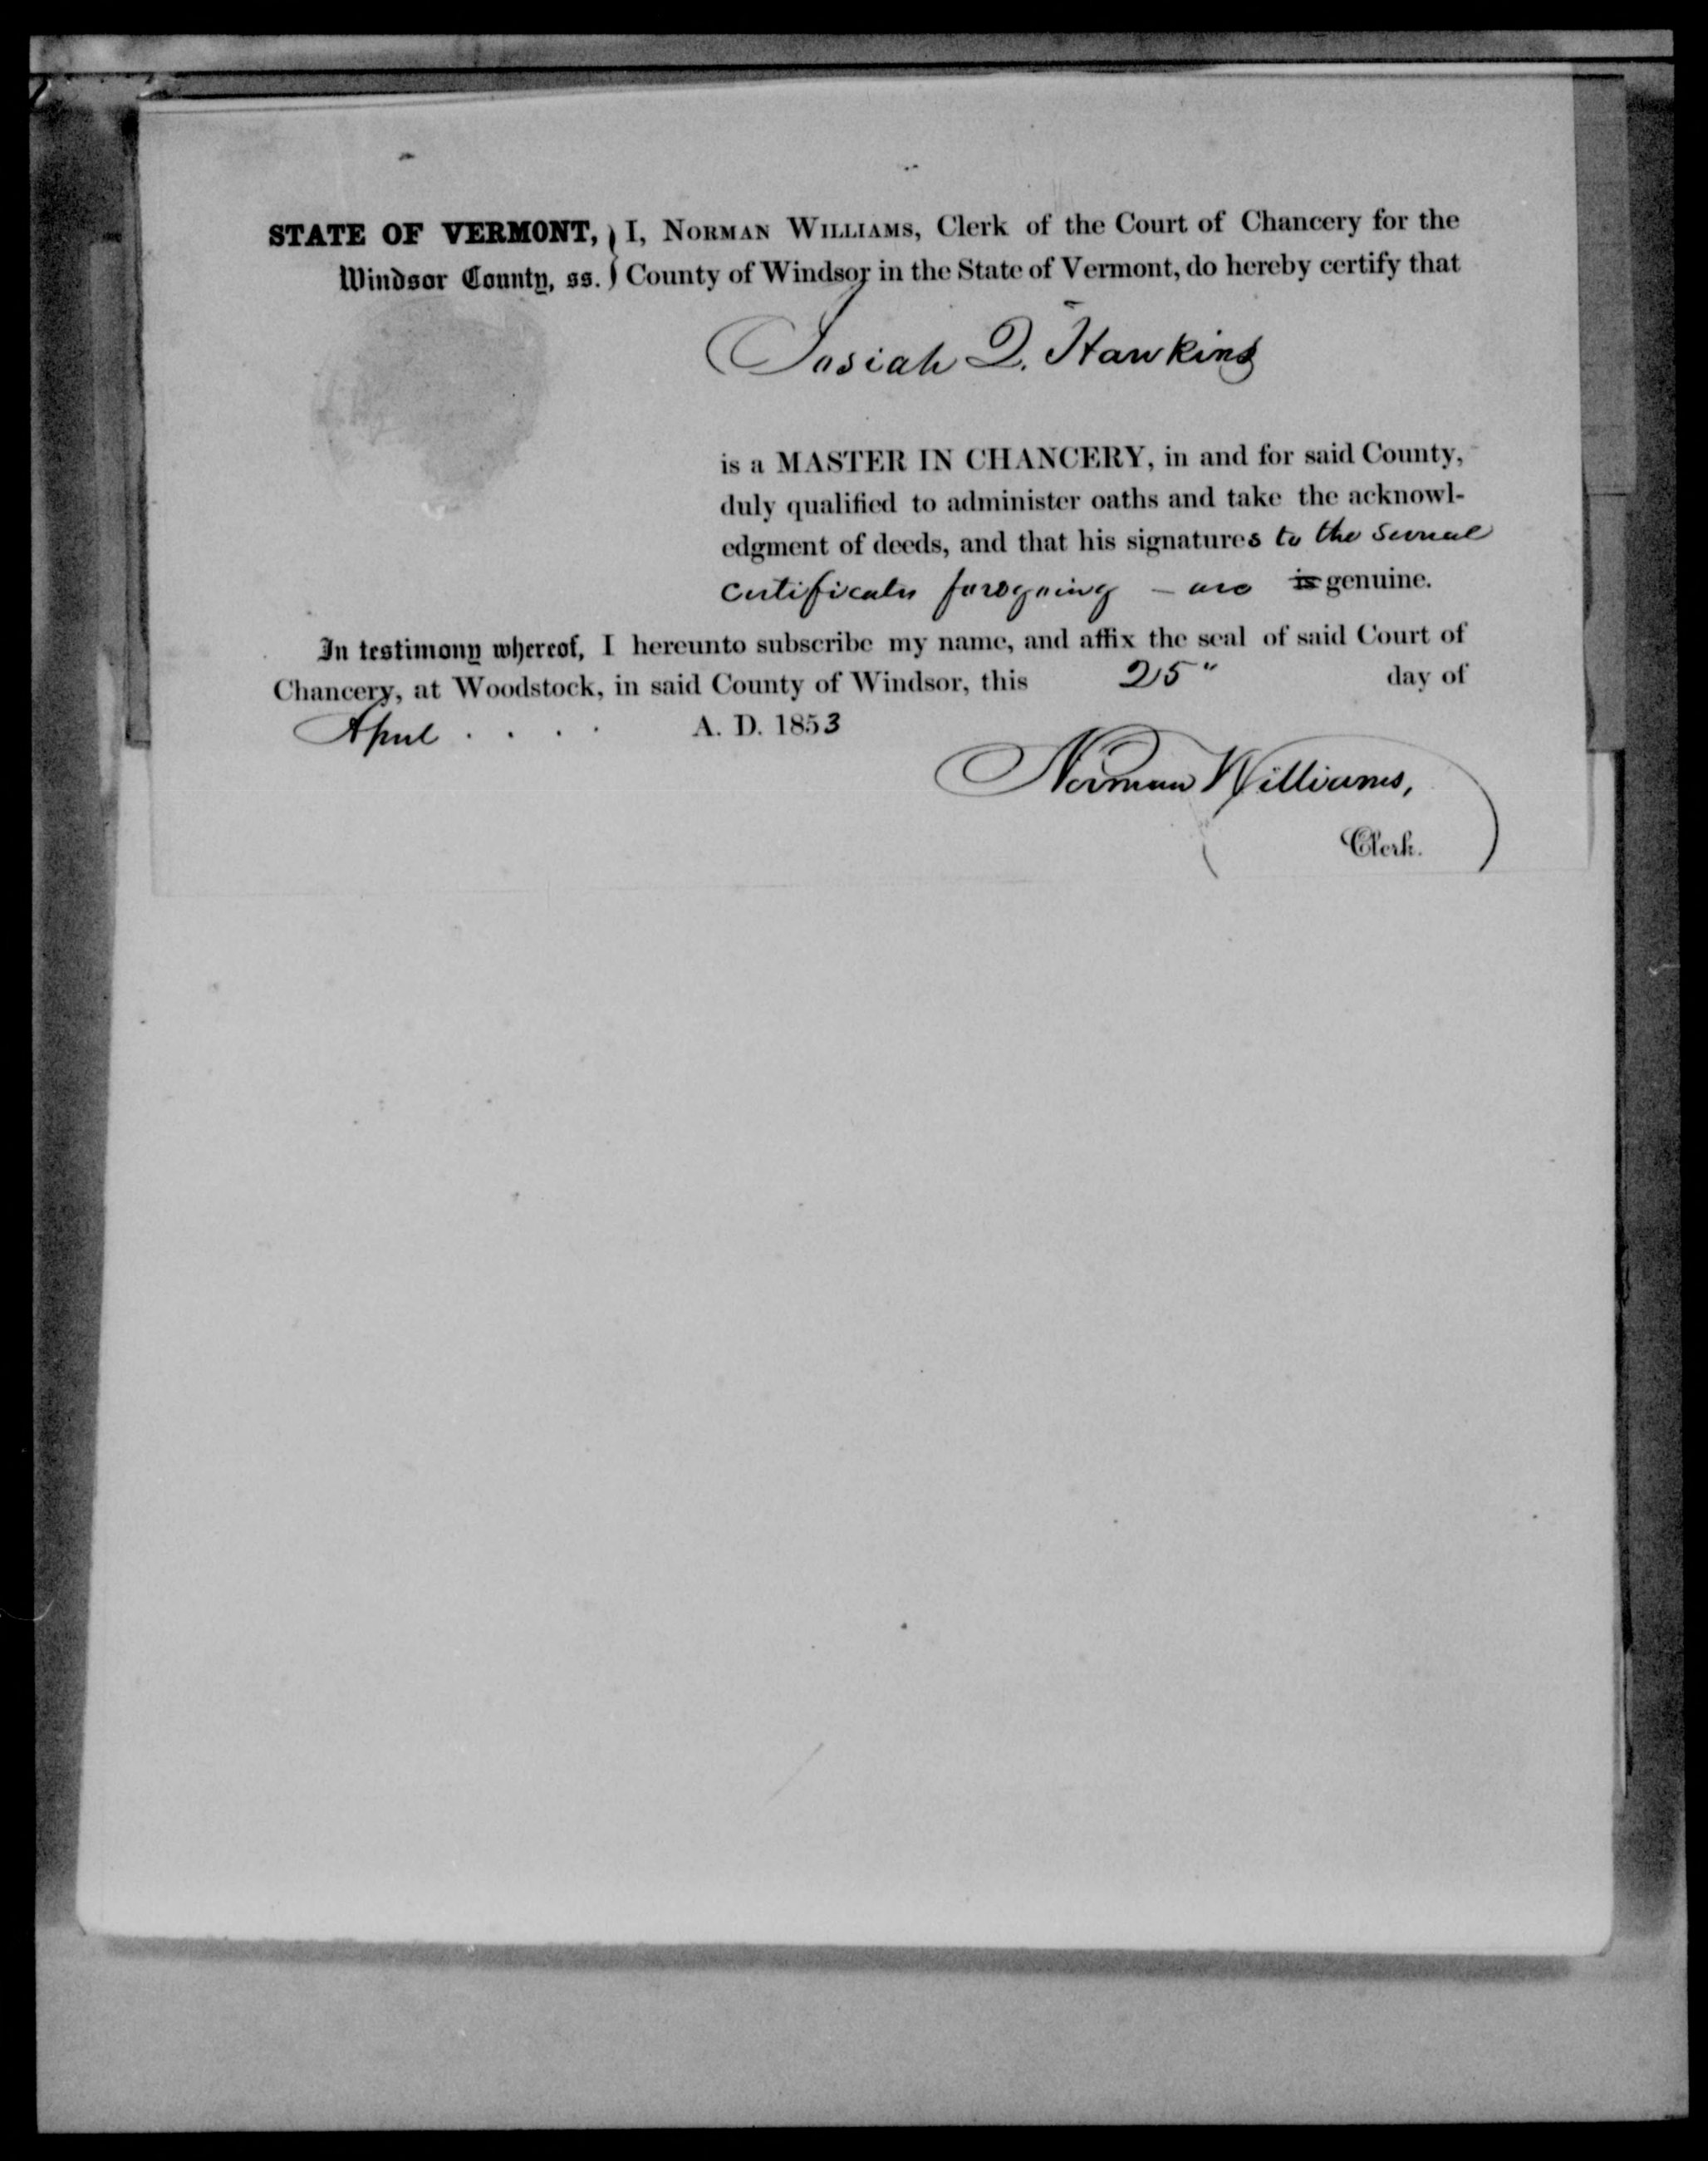State of Vermont
Windsor County ss
I, Norman Willams, Clerk of the Court of Chancery for the County of Windsor in the State of Vermont, do hereby certify that Josiah Q. Hawkins is a MASTER IN CHANCERY, in and for said County duly qualified to administer oaths and take the acknowledgement of deeds, and that his signatures to the several certificates foregoing are genuine.
In testimony whereof, I hereunto subscribe my name, and affix the seal of said Court of Chancery, at Woodstock, in said County of Windsor, this 25th day of April A. D. 1853.
Norman Williams, Clerk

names: Josiah Q Hawkins, Norman Williams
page: 19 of 66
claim: widow's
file: W. 2468, Amos Wetherbee, Mass.